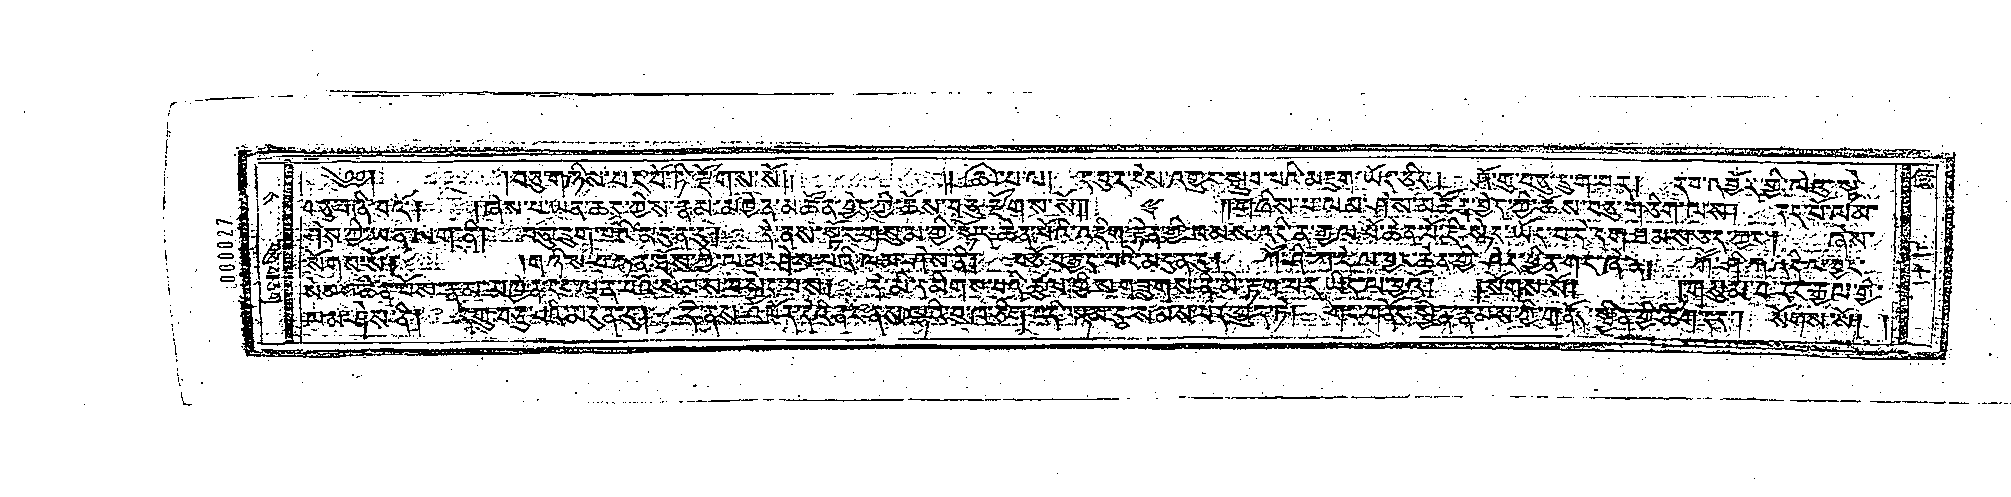༄༅། །བཅུ་གཉིས་པང་པོ་ཏི་རྫོགས་སོ།། །།ཆ྄་པ་ལ། དབུང་ངེས་འབྱུང་སྒྲུབ་པའི་མཇུག་ཡོད་ཅིང་། ཤོ་གུ་བཅུ་དྲུག་པར། རབ་འབྱོར་གྱི་ལེའུ་སྟེ་
བཅུ་བཞི་བའོ། །ཞེས་པ་ཡན་ཆད་ཀྱིས་རྣམ་མཁྱེན་མཚོན་བྱེད་ཀྱི་ཆོས་བཅུ་རྫོགས་སོ།། ༈ །།གཉིས་པ་ལམ་ཤེས་མཚོན་བྱེད་ཀྱི་ཆོས་བཅུ་གཅིག་ལས། དང་པོ་ལམ་
ཤེས་ཀྱི་ཡན་ལག་ནི། བཅུ་དྲུག་པའི་མདུན་དུ། དེ་ནས་སྟོང་གསུམ་གྱི་སྟོང་ཆེན་པོའི་འཇིག་རྟེན་གྱི་ཁམས་འདི་ན་རྒྱལ་པོ་ཆེན་པོ་ཇི་སྙེད་ཡོད་པ་དེ་དག་ཐམས་ཅད་ཀྱང་། ཞེས་
སོགས་སོ། །གཉིས་པ་ཉན་ཐོས་ཀྱི་ལམ་ཤེས་པའི་ལམ་ཤེས་ནི། བཅོ་བརྒྱད་པའི་མདུན་དུ། ཀཽ་ཤི་ཀ་དེ་ལ་བྱང་ཆེན་གྱི་ཤེང་ཕྱིན་གང་ཞེ་ན། ཀཽ་ཤི་ཀ་འདི་ལ་བྱང་
སེམས་ཆེན་པོས་རྣམ་མཁྱེན་དང་ལྡན་བའི་སེམས་བསྐྱེད་པས། དེ་མི་དམིགས་པའི་ཚུལ་གྱིས་གཟུགས་ནི་མི་རྟག་པར་ཡིད་ལ་བྱའོ། །སོགས་སོ། །གསུམ་པ་རང་རྒྱལ་གྱི་
ལམ་ཤེས་ནི། དགུ་བཅུ་པའི་མདུན་དུ། དེ་ནས་འཁོར་དེའི་ནང་ནས་ལྷའི་བུ་ཁ་ཅིག་འདི་སྙམ་དུ་སེམས་པར་གྱུར་ཏེ། གང་གནོད་སྦྱིན་རྣམས་ཀྱི་གནོད་སྦྱིན་གྱི་ཚིག་དང་། སོགས་སོ། །